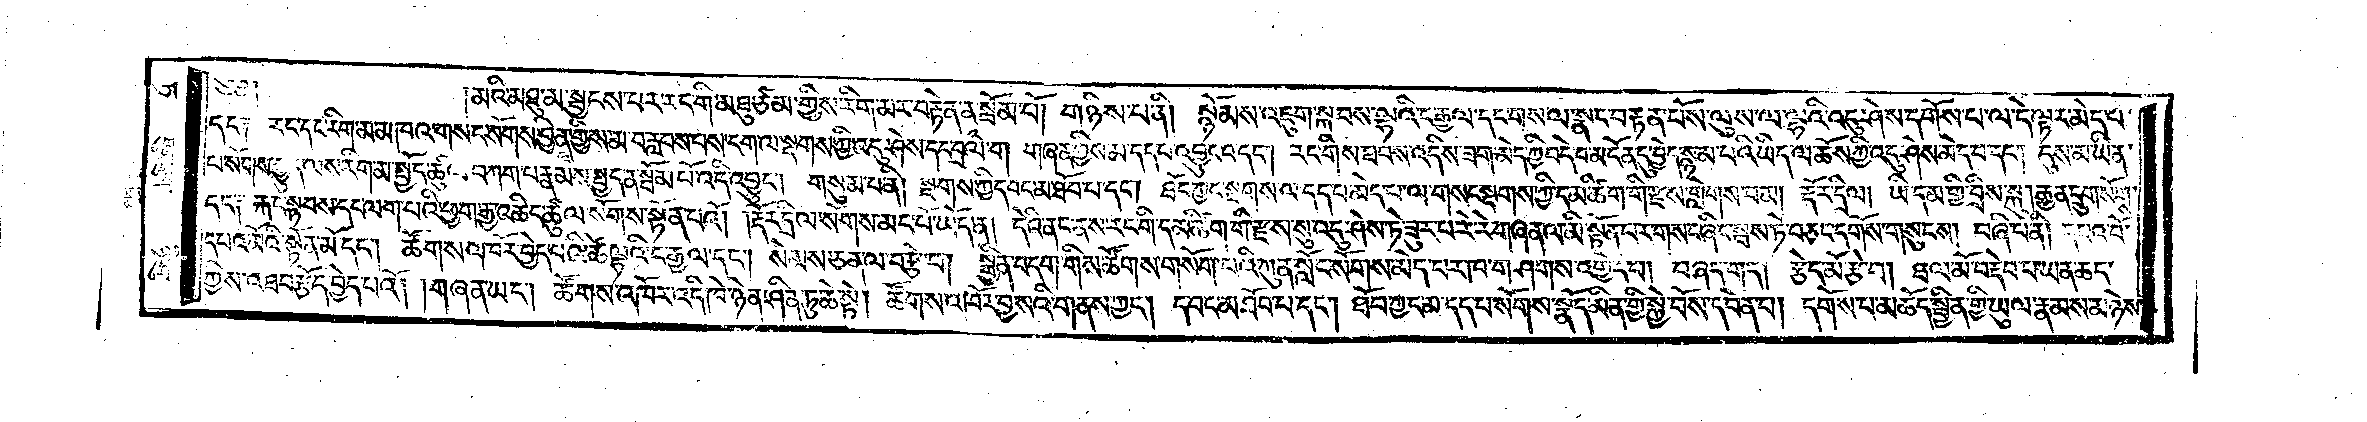༄༅། །མའི་མཐུ་མ་སྦྱངས་པར་རང་གི་མཐུ་ཙམ་གྱིས་རིག་མར་བརྟེན་ན་སྦོམ་པོ། གཉིས་པ་ནི། སྙོམས་འཇུག་སྐབས་ལྷའི་ང་རྒྱལ་དང་གསལ་སྣང་བརྟན་པོས་ལུས་ལ་ལྷའི་འདུ་ཤེས་དགོས་པ་ལ་དེ་ལྟར་མེད་པ་
དང༑ རང་དང་རིག་མ་མཁའ་གསང་སོགས་བྱིན་གྱིས་མ་བརླབས་པས་ངག་ལ་སྔགས་ཀྱི་འདུ་ཤེས་དང་བྲལ་བ། གཞན་གྱིས་མ་དད་པ་འབྱུང་བ་དང་། རང་གིས་ཐབས་འདིས་ཟག་མེད་ཀྱི་བདེ་བ་མངོན་དུ་བྱེད་སྙམ་པའི་ཡིད་ལ་ཆོས་ཀྱི་འདུ་ཤེས་མེད་པ་དང་། དུས་མ་ཡིན་
པ་སོགས་རྒྱུད་ལས་རིག་མ་སྤྱོད་ཚུལ་བཀག་པ་རྣམས་སྤྱད་ན་སྦོམ་པོ་འདི་འབྱུང་། གསུམ་པ་ནི། སྔགས་ཀྱི་དབང་མ་ཐོབ་པ་དང་། ཐོབ་ཀྱང་སྔགས་ལ་དད་པ་མེད་པ་ལ་གསང་སྔགས་ཀྱི་དམ་ཚིག་གི་རྫས་གླེགས་བམ། རྡོར་དྲིལ། ཡི་དམ་གྱི་བྲིས་སྐུ། རྒྱན་དྲུག་སོགས་
དང༑ རྐང་སྟབས་དང་ལག་པའི་ཕྱག་རྒྱ་འཆིང་ཚུལ་སོགས་སྟོན་པའོ། །རྡོར་དྲིལ་སོགས་མང་པོ་ཡོད་ན། དེའི་ནང་ནས་རང་གི་དམ་ཚིག་གི་རྫས་སུ་འདུ་ཤེས་ཏེ་ཟུར་པ་རེ་རེ་གཞན་ལ་མི་སྟོན་པར་གསང་ཞིང་སྦས་ཏེ་བཅང་དགོས་གསུངས། བཞི་པ་ནི། དཔའ་བོ་
དཔའ་མོའི་སྟོན་མོ་དང་། ཚོགས་འཁོར་བྱེད་པའི་ཚེ་ལྷའི་ང་རྒྱལ་དང་། སེམས་ཅན་ལ་བརྩེ་བ། སྦྱིན་བདག་གིས་ཚོགས་གསོག་པའི་ཀུན་སློང་སོགས་མེད་པར་ཁ་གཤགས་འགྱེད་པ། བཞད་གད། རྩེད་མོ་རྩེ་བ། ཐལ་མོ་བརྡེབ་པ་ཡན་ཆད་
ཀྱིས་འཐབ་རྩོད་བྱེད་པའོ། །གཞན་ཡང་། ཚོགས་འཁོར་འདི་ཁེ་ཉེན་ཤིན་ཏུ་ཆེ་སྟེ། ཚོགས་འཁོར་བྱ་སའི་གནས་ཀྱང་། དབང་མ་ཐོབ་པ་དང་། ཐོབ་ཀྱང་མ་དད་པ་སོགས་སྣོད་མིན་གྱི་སྐྱེ་བོས་དབེན་པ། དགོས་པ་མཆོང་སྦྱིན་གྱི་ཡུལ་རྣམས་མཉེས་